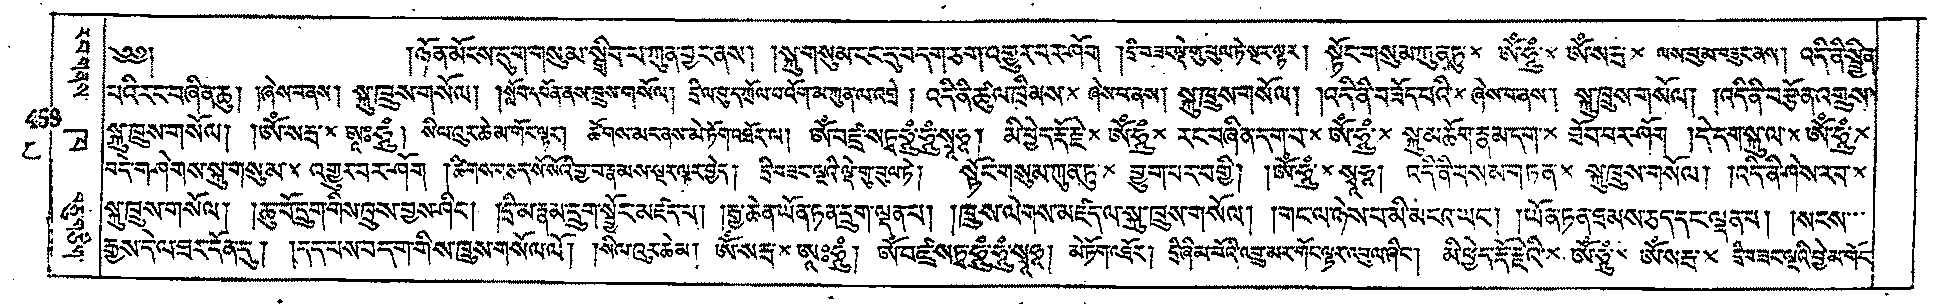༄༅། །ཉོན་མོངས་དུག་གསུམ་སྒྲིབ་པ་ཀུན་བྱང་ནས། །སྐུ་གསུམ་ངང་དུ་བདག་ཅག་འགྱུར་བར་ཤོག་།དྲི་བཟང་ལྡེ་གུ་ཕུལ་ཏེ་སྔར་ལྟར།  སྟོང་གསུམ་ཀུན་ཏུ་྾་ཨོཾ་ཧཱུཾ་྾་ཨོཾ་སརྦ་྾་ལས་བུམ་བཟུང་ནས།  འདི་ནི་སྦྱིན་
པའི་རང་བཞིན་ཆུ། །ཞེས་པ་ནས།  སྐུ་ཁྲུས་གསོལ། །སློབ་དཔོན་ནས་ཁྲུས་གསོལ། དྲིལ་བུ་དཀྲོལ་བ་འོག་མ་ཀུན་ལ་འགྲེ།  འདི་ནི་ཚུལ་ཁྲིམས་྾་ཞེས་པ་ནས།  སྐུ་ཁྲུས་གསོལ། །འདི་ནི་བཟོད་པའི་྾་ཞེས་པ་ནས།  སྐུ་ཁྲུས་གསོལ། །འདི་ནི་བརྩོན་འགྲུས་྾་
སྐུ་ཁྲུས་གསོལ། །ཨོཾ་སརྦ་྾་ཨཱཿ ཧཱུཾ། སིལ་འུར་ཆེ་མ་གོང་ལྟར། ཚོགས་མང་ནས་མེ་ཏོག་འཐོར་ལ།  ཨོཾ་བཛྲ་སཏྭ་ཧཱུཾ་ཧཱུཾ་སྭཱཧཱ། མི་ཕྱེད་རྡོ་རྗེ་྾་ཨོཾ་ཧཱུཾ་྾་རང་བཞིན་དག་པ་྾་ཨོཾ་ཧཱུཾ་྾་སྐུ་མཆོག་རྣམ་དག་྾་ཐོབ་པར་ཤོག །དེ་དག་སྐུ་ལ་྾་ཨོཾ་ཧཱུཾ་྾་
བདེ་གཤེགས་སྐུ་གསུམ་྾་འགྱུར་བར་ཤོག་།ཚིགས་བཅད་སོ་སོའི་བྱ་བ་རྣམས་སྔར་ལྟར་བྱེད། དྲི་བཟང་ལྔའི་ལྡེ་གུ་ཕུལ་ཏེ།  སྟོང་གསུམ་ཀུན་ཏུ་྾་བྱུག་པར་བགྱི། །ཨོཾ་ཧཱུཾ་྾་སྭཱཧཱ། འདི་ནི་བསམ་གཏན་྾་སྐུ་ཁྲུས་གསོལ། །འདི་ནི་ཤེས་རབ་྾་
སྐུ་ཁྲུས་གསོལ། །ཆུ་བོ་དྲུག་གིས་ཁྲུས་བྱས་ཤིང་། །དྲི་མ་རྣམ་དྲུག་སྦྱོང་མཛད་པ། །རྒྱ་ཆེན་ཡོན་ཏན་དྲུག་ལྡན་པ། །ཁྲུས་ལེགས་མཛད་ལ་སྐུ་ཁྲུས་གསོལ། །གང་ལ་ཉེས་པ་མི་མངའ་ཡང་། །ཡོན་ཏན་ཐམས་ཅད་དང་ལྡན་པ། །སངས་
རྒྱས་དེ་ལ་ཐར་དོན་དུ། །དད་པས་བདག་གིས་ཁྲུས་གསོལ་ལོ། །སིལ་འུར་ཆེམ།  ཨོཾ་སརྦ་྾་ཨཱཿ ཧཱུཾ། ཨོཾ་བཛྲ་སཏྭ་ཧཱུཾ་ཧཱུཾ་སྭཱཧཱ། མེ་ཏོག་འཐོར། དྲི་ཞིམ་པོའི་འབྲུ་མར་གོང་ལྟར་འབུལ་ཞིང་།  མི་ཕྱེད་རྡོ་རྗེའི་྾་ཨོཾ་ཧཱུཾ་྾་ཨོཾ་སརྦ་྾་དྲི་བཟང་ལྔའི་ཕྱེ་མ་གོང་